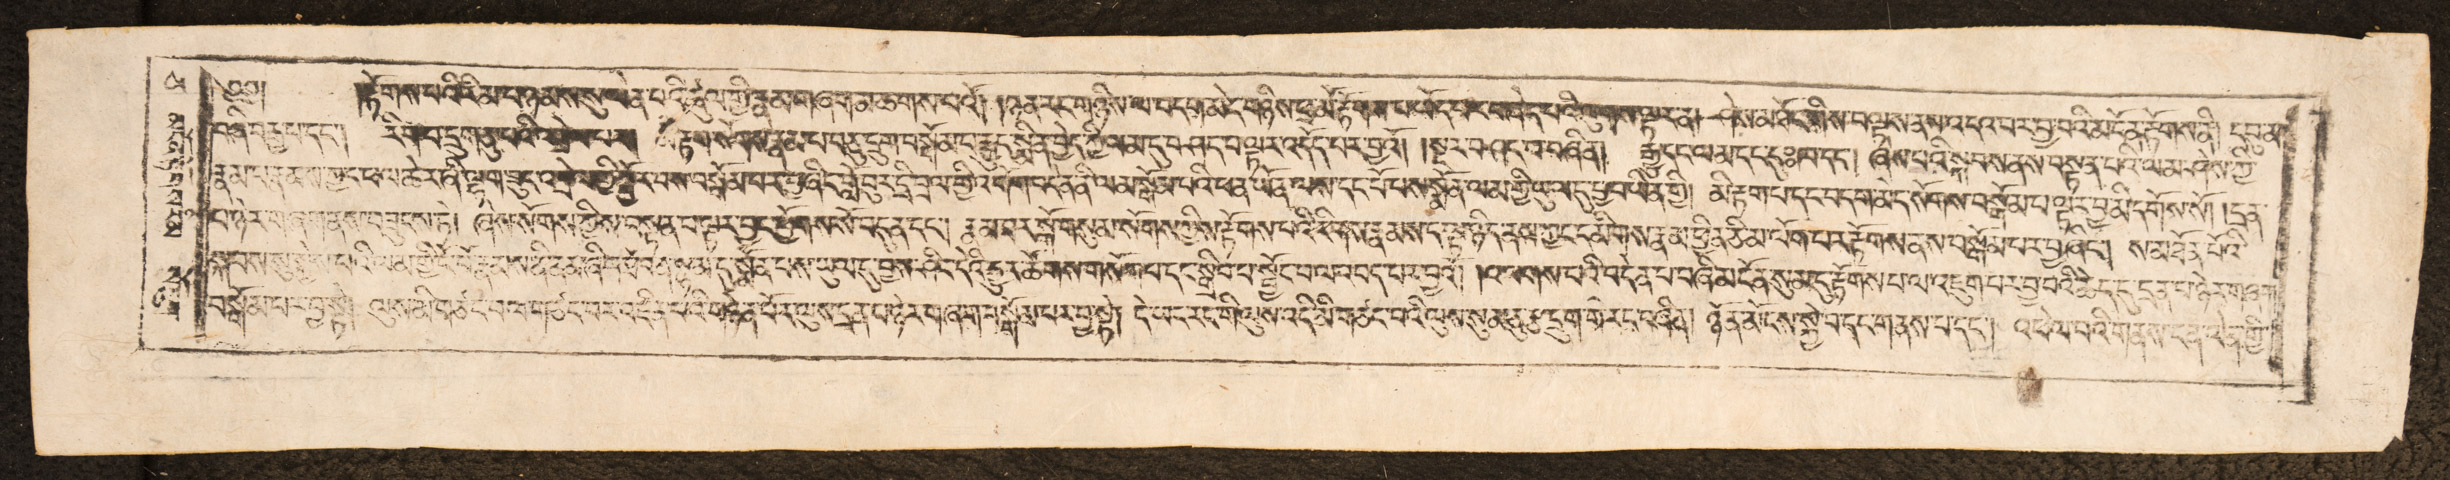༄༅། །རྟོགས་པའི་རིམ་པ་ཉམས་སུ་ལེན་པའི་ཚུལ་གྱི་རྣམ་གཞག་མ་ཆགས་པའོ། །ཉན་རང་གཉིས་ལ་བདག་མེད་གཉིས་ཕྲ་མོ་རྟོགས་པ་ཡོད་པར་བཞེད་པའི་ལུགས་ལྟར་ན། ཤེས་མཐོང་གིས་བལྟས་ནས་འདའ་བར་བྱ་བའི་མངོན་རྟོགས་ནི། དབུ་མ་
བཞི་བརྒྱ་པ་དང་། རིག་པ་དྲུག་ཅུ་པའི་འགྲེལ་པར། མི་རྟག་སོགས་རྣམ་པ་བཅུ་དྲུག་བསྒོམ་པ་རྒྱུད་སྨིན་བྱེད་ཀྱི་ལམ་དུ་བཤད་པ་ལྟར་འདོད་པར་བྱའོ། །སྔར་བཤད་པ་བཞིན། རྒྱུ་དང་ལམ་དང་དུཿ ཁ་དང་། ཞེས་པའི་སྐབས་ནས་བསྟན་པའི་ལམ་ཤེས་ཀྱི་
རྣམ་པ་རྣམས་ཀྱང་ཕལ་ཆེར་ཞི་ལྷག་ཟུང་འབྲེལ་གྱི་སྦྱོར་བས་བསྒོམ་པར་བྱ་ཞིང་གློ་བུར་དྲི་བྲལ་གྱི་འགོག་བདེན་ནི་ལམ་སྒོམ་པའི་ཕན་ཡོན་ལས་དང་པོ་པས་སྨོན་ལམ་གྱི་ཡུལ་དུ་བྱ་བ་ཡིན་གྱི། མི་རྟག་པ་དང་བདག་མེད་སོགས་བསྒོམ་པ་ལྟར་བྱ་མི་དགོས་སོ། །དྲན་
པ་ཉེར་གཞག་ནས་བཟུངས་ཏེ། ཞེས་སོགས་ཀྱིས་བསྟན་པ་ལྟར་བྱང་ཕྱོགས་སོ་བདུན་དང་། རྣམ་ཐར་སྒོ་གསུམ་སོགས་ཀྱིས་རྟོགས་པའི་རིགས་རྣམས་ད་ལྟ་ཉིད་ནས་ཀྱང་དམིགས་རྣམ་ཕྱིན་ཅི་ལོག་པར་རྟོགས་ནས་བསྒོམ་པར་བྱ་ཞིང་། ས་མཐོན་པོའི་
སྐབས་སུ་སྐྱེས་པའི་ལམ་གྱི་ངོ་བོ་རྣམས་ནི་ནམ་ཞིག་ཐོབ་ན་སྙམ་དུ་སྨོན་པས་ཡུལ་དུ་བྱས་ཤིང་དེའི་རྒྱུར་ཚོགས་གསོག་པ་དང་སྒྲིབ་པ་སྦྱོང་བ་ལ་འབད་པར་བྱའོ། །འཕགས་པའི་བདེན་པ་བཞི་མངོན་སུམ་དུ་རྟོགས་པ་ལ་འཇུག་པར་བྱ་བའི་ཆེད་དུ་དྲན་པ་ཉེར་གཞག་
བསྒོམ་པར་བྱ་སྟེ། ལུས་མི་གཙང་བ་ལ་གཙང་བར་འཛིན་པའི་གཉེན་པོར་ལུས་དྲན་པ་ཉེར་གཞག་བསྒོམ་པར་བྱ་སྟེ། དེ་ཡང་རང་གི་ལུས་འདི་མི་གཙང་བའི་ལུས་སུམ་ཅུ་རྩ་དྲུག་གི་རང་བཞིན། ཉེན་མོངས་སྐྱེ་བ་དང་གནས་པ་དང་། འཕེལ་བའི་གནས་ངན་ལེན་གྱི་